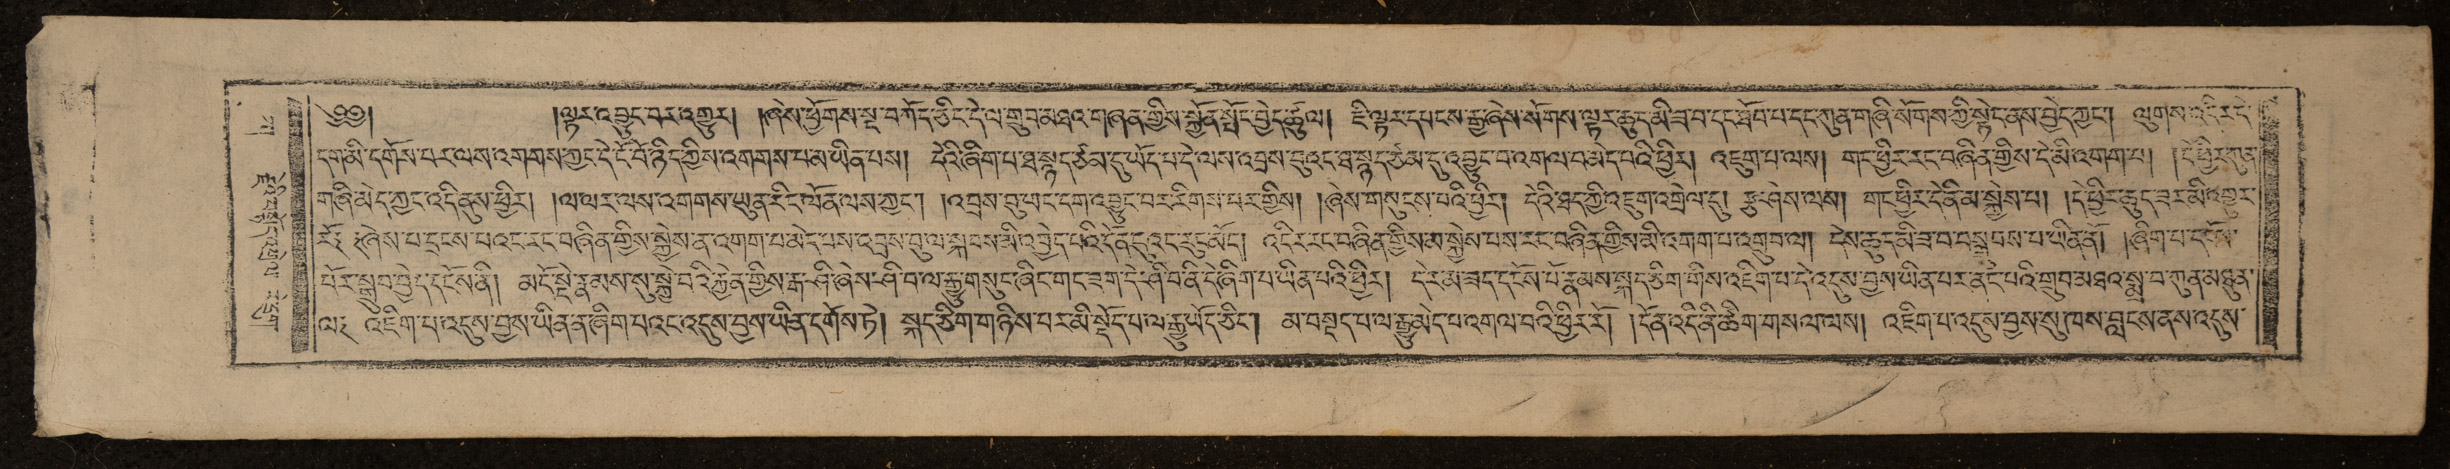༄༅། །ལྟར་འབྱུང་བར་གཱྱུར། །ཞེས་ཕྱོགས་སྔ་བཀོད་ཅིང་དེ་ལ་གྲུབ་མཐའ་གཞན་གྱིས་སྐྱོན་སྤོང་བྱེད་ཚུལ། ཇི་ལྟར་དབངས་རྒྱ་ཞེས་སོསག་ལྟར་ཆུད་མི་ཟབ་དང་ཐོབ་བ་དང་ཀུན་གཞི་སོགས་ཀྱི་སྟེང་ནས་བྱེད་ཀྱང་། ལུགས་འདིར་དེ་
དག་མི་དགོས་པར་ལས་འགགས་ཀྱང་དེ་ངོ་བོ་ཉིད་ཀྱིས་འགགས་པ་མ་ཡིན་པས། དེའི་ཞིག་པ་ཐ་སྙད་ཙམ་དུ་ཡོད་པ་དེ་ལས་འབྲས་བུའང་ཐ་སྙད་ཙམ་དུ་འབྱུང་བ་འགལ་བ་མེད་པའི་ཕྱིར། འཇུག་པ་ལས། གང་ཕྱིར་རང་བཞིན་གྱིས་དེ་མི་འགག་པ། །དེ་ཕྱིར་ཀུན་
གཞི་མེད་ཀྱང་འདི་ནུས་ཕྱིར། །ལ་ལར་ལས་འགགས་ཡུན་རིང་ལོན་ལས་ཀྱང་། །འབྲས་བུ་ཡང་དག་འབྱུང་པར་རིགས་པར་གྱིས། །ཞེས་གསུངས་པའི་ཕྱིར། དེའི་ཐད་ཀྱི་འཇུག་འགྲེལ་དུ། རྩ་ཤེས་ལས། གང་ཕྱིར་དེ་ནི་མ་སྐྱེས་པ། །དེ་ཕྱིར་ཆུད་ཟར་མི་འགྱུར་
རོ༑ ༑ཞེས་པ་དྲངས་པའང་རང་བཞིན་གྱིས་སྐྱེས་ན་འགག་པ་མེད་པས་འབྲས་བུ་ལ་སྐབས་མི་འབྱེད་པའི་དོན་དུའང་རུང་མོད། འདིར་རང་བཞིན་གྱིས་མ་སྐྱེས་པས་རང་བཞིན་གྱིས་མི་འགག་པ་འགྲུབ་ལ། དེས་ཆུད་མི་ཟ་བ་བསྒྲུབས་པ་ཡིན་ནོ། །ཞིག་པ་དངོས་
བོར་སྒྲུབ་བྱེད་དངོས་ནི། མདོ་སྡེ་རྣམས་སུ་སྐྱེ་བའི་རྐྱེན་གྱིས་རྒ་ཤི་ཞེས་ཤི་བ་ལ་རྒྱུ་གསུང་ཞིང་གང་ཟག་དེ་ཤི་བ་ནི་དེ་ཞིག་པ་ཡིན་པའི་ཕྱིར། དེར་མ་ཟད་དངོས་པོ་རྣམས་སྐད་ཅིག་གིས་འཇིག་པ་དེ་འདུས་བྱས་ཡིན་བར་ནང་བའི་གྲུབ་མཐའ་སྨྲ་བ་ཀུན་མཐུན་
ལ༑ འཇིག་པ་འདུས་བྱས་ཡིན་ན་ཞིག་པའང་འདུས་བྱས་ཡིན་དགོས་ཏེ། སྐད་ཅིག་གཉིས་པར་མི་སྡོད་བ་ལ་རྒྱུ་ཡོད་ཅིང་། མ་བསྡད་པ་ལ་རྒྱུ་མེད་པ་འགལ་བའི་ཕྱིར་རོ། །དོན་འདི་ནི་ཚིག་གསལ་ལས། འཇིག་བ་བདུས་བྱས་སུ་ཁས་བླངས་ནས་འདུས་